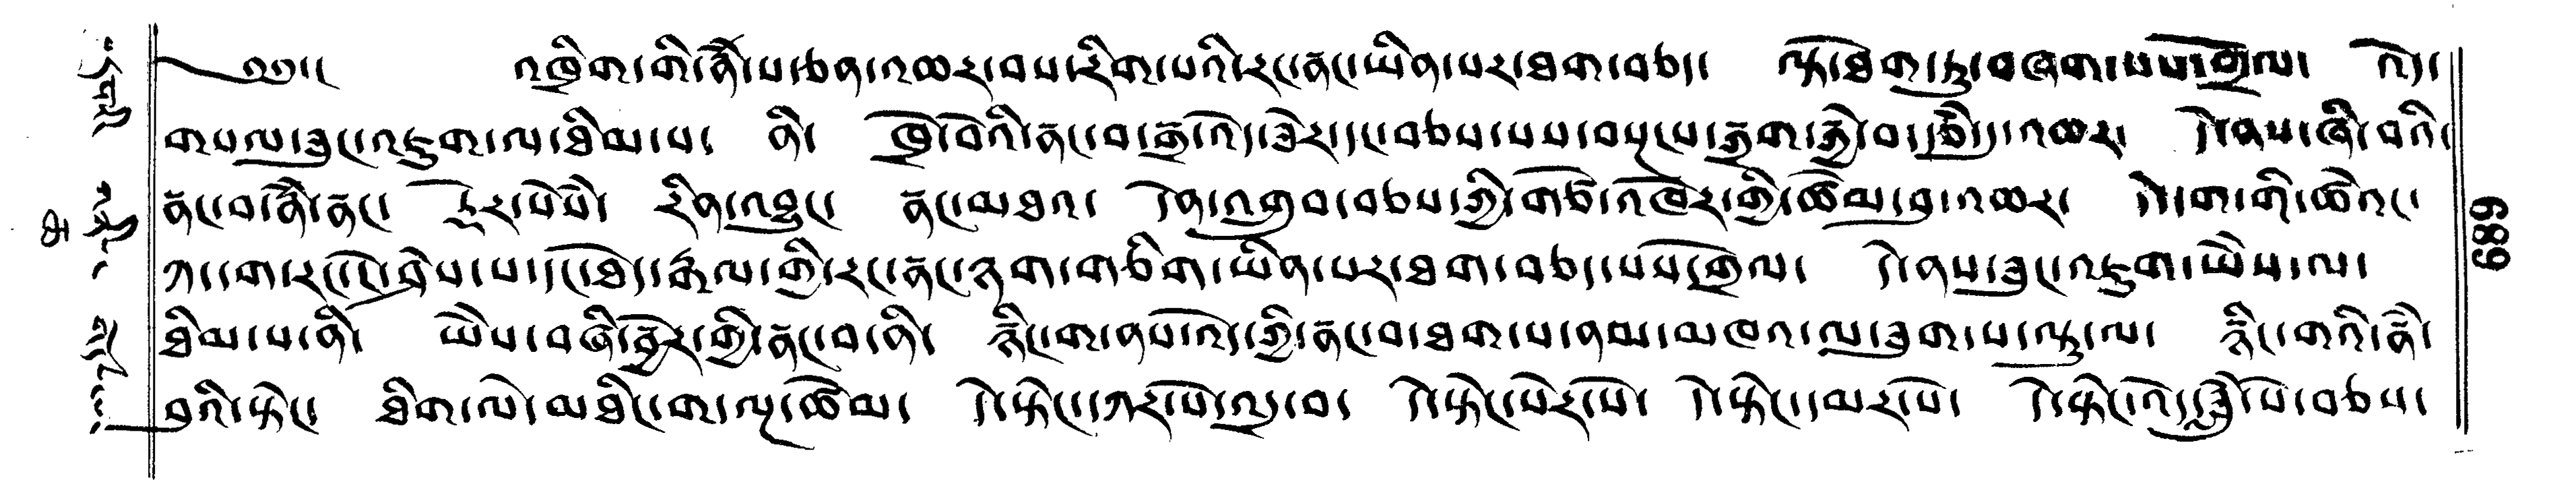འཁྲིག་གི་རྣམ་པ་ཅན་འཆར་བས་རིག་པའི་རང་སྣང་ཡིན་པར་ཐག་བཅད། ལྟ་ཐོག་ཏུ་བཞག་པས་གྲོལ། འོད་
གསལ་ཟུང་འཇུག་ལ་ཐིམ་པ་ནི། ཁྲོ་བོའི་སྣང་བ་སྒྲ་འོད་ཟེར་དང་བཅས་པ་བསྔངས་སྐྲག་སྐྱེ་བ་ཙམ་དུ་འཆར། དེ་ནས་ཞི་བའི་
སྣང་བ། རྣམ་སྣང་། རྡོར་སེམས། རིན་འབྱུང་། སྣང་མཐའ། དོན་གྲུབ་བཅས་ཀྱི་གཙོ་འཁོར་གྱི་ཚོམ་བུ་འཆར། དེ་དག་གི་ཚེའང་
ཀ་དག་རང་ངོ་ཤེས་པ་དང་ཐོད་རྒལ་གྱི་རང་སྣང་ཉག་གཅིག་ཡིན་པར་ཐག་བཅད་པས་གྲོལ། དེ་ནས་ཟུང་འཇུག་ཡེ་ཤེས་ལ་
ཐིམ་པ་ནི། ཡེ་ཤེས་བཞི་སྦྱོར་གྱི་སྣང་བ་ནི། སྙིང་ག་ནས་འོད་ཀྱི་སྣང་བ་ཐག་པ་ནམ་མཁའ་ལ་ཟུག་པ་ལྟ་བུ་ལ། སྙིང་གའི་སྣམ་
བུའི་སྟེང་། ཐིག་ལེ་མཐིང་ག་ལྔ་ཚོམ། དེ་སྟེང་དཀར་པོ་འདྲ་བ། དེ་སྟེང་སེར་པོ། དེ་སྟེང་དམར་པོ། དེ་སྟེང་འོད་ཟླུམ་པོ་བཅས་